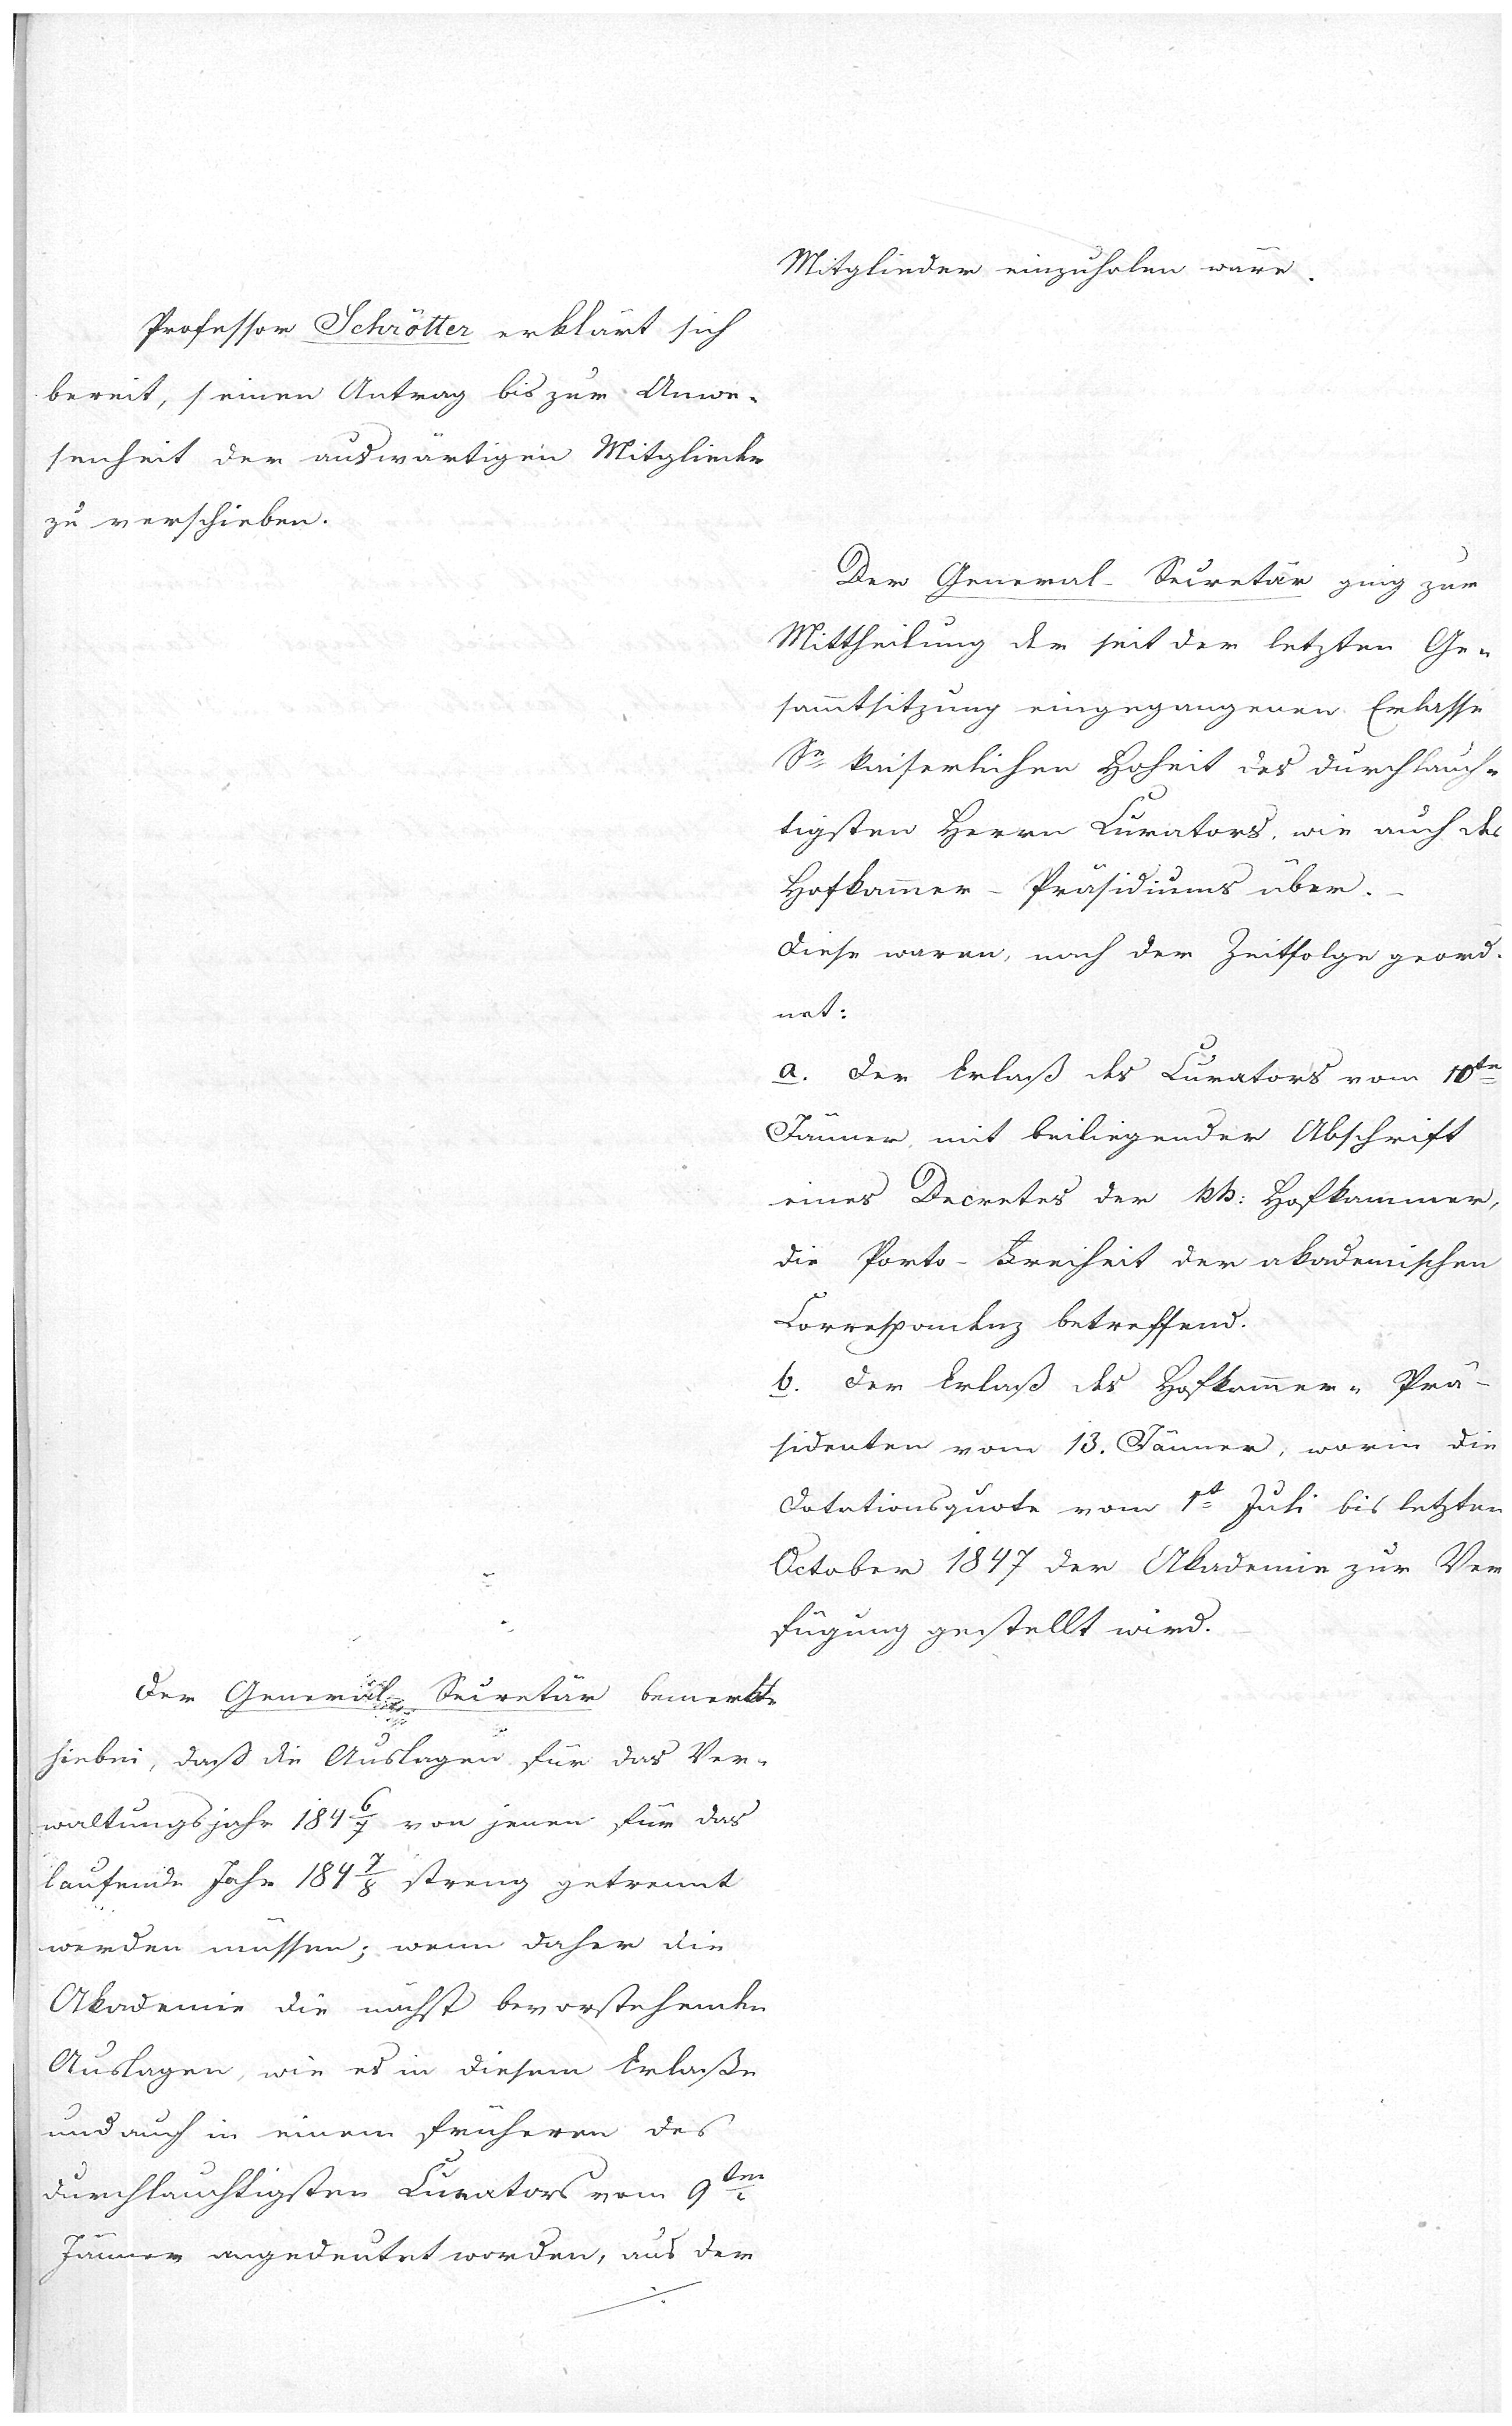Mitglieder einzuholen wäre.
Professor Schrötter erklärt sich
bereit, seinen Antrag bis zur Anwe-
senheit der auswärtigen Mitglieder
zu verschieben.
Der General-Secretär ging zur
Mittheilung der seit der letzten Ge-
sammtsitzung eingegangenen Erlasse
Sr. kaiserlichen Hoheit des durchlauch-
tigsten Herrn Curators, wie auch des
Hofkammer-Präsidiums über.
Diese waren, nach der Zeitfolge geord-
net:
a. Der Erlaß des Curators vom 10ten
Jänner mit beiliegender Abschrift
eines Decretes der kk: Hofkammer,
die Porto-Freiheit der akademischen
Correspondenz betreffend.
b. Der Erlaß des Hofkammer-Prä-
sidenten vom 13. Jänner, worin die
Dotationsquote vom 1ten Juli bis letzten
October 1847 der Akademie zur Ver-
fügung gestellt wird.
Der General-Secretär bemerkt
hiebei, daß die Auslagen für das Ver-
waltungsjahr 1846/7 von jenen für das
laufende Jahr 1847/8 streng getrennt
werden müssen; wenn daher die
Akademie die nächst bevorstehenden
Auslagen, wie es in diesem Erlaße
und auch in einem früheren des
durchlauchtigsten Curators vom 9ten
Jänner angedeutet worden, aus der